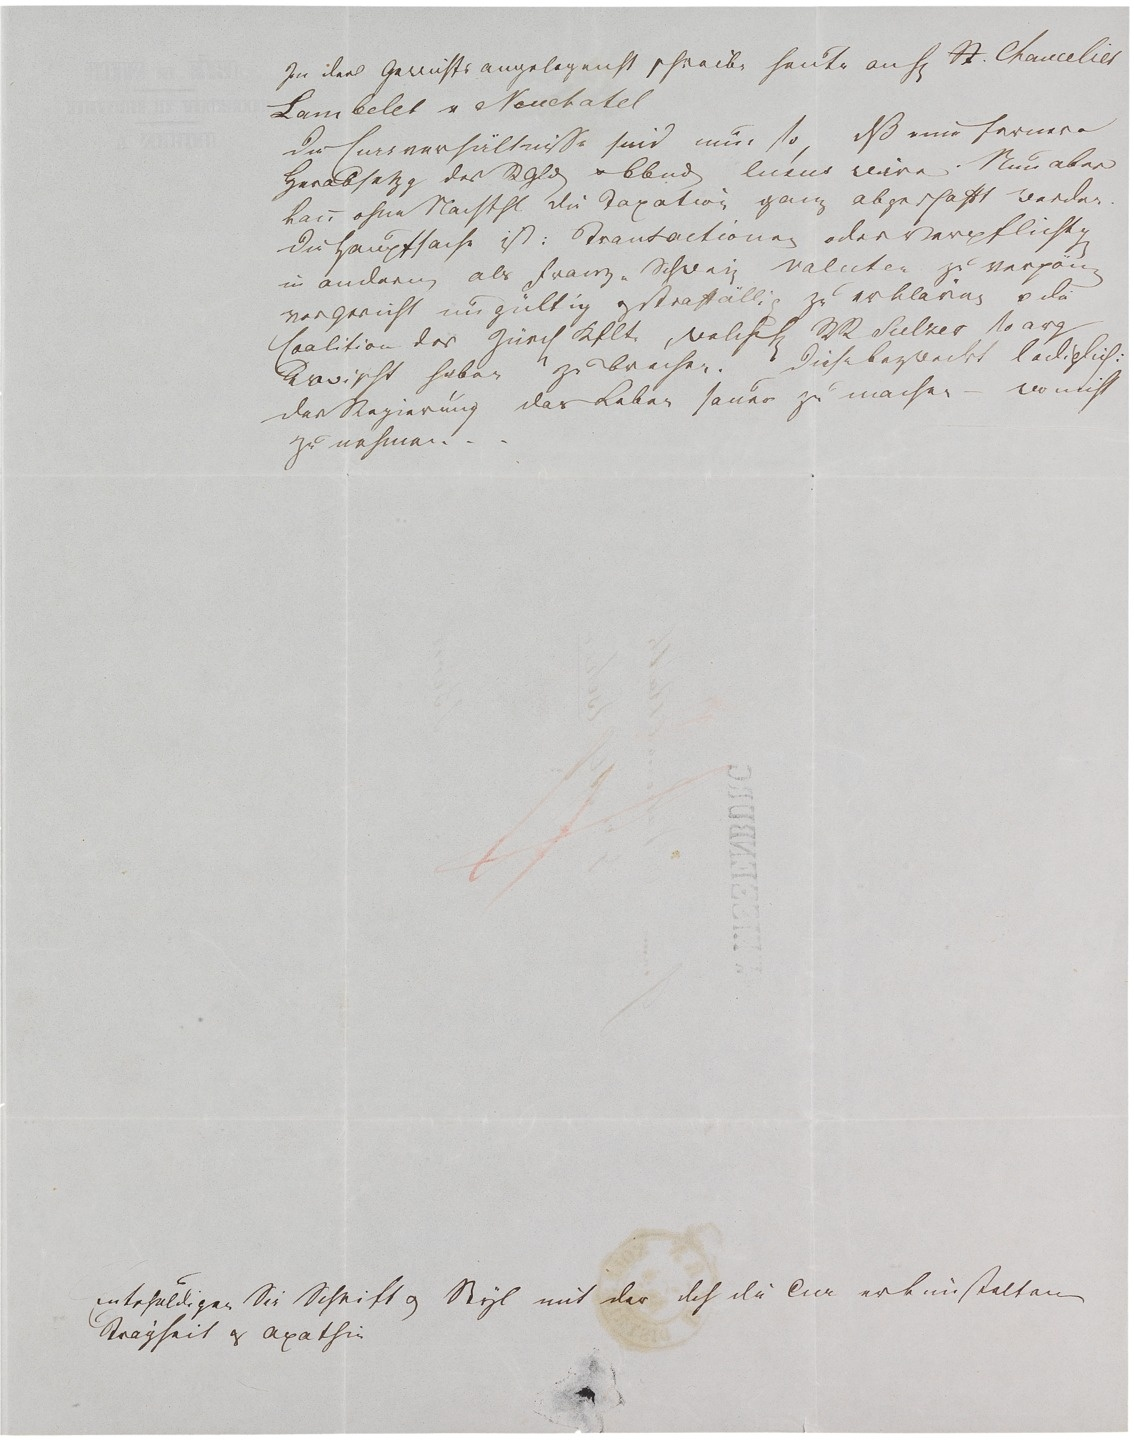In der Gewichtsangelegenheit schreibe heute an Herrn St. Chancelier
Lambelet v Neuchatel
Die Cursverhältnisse sind nun so, dß eine fernere
Herabsetzg des RGld & BBnd luxus wäre. Nun aber
kann ohne Nachthl die Taxation ganz abgeschafft werden.
Die Hauptsache ist: Transactionen oder Verpflichtgen
in andern als franz-Schweiz Valuten zu verpönen
vor Gericht unglültig & straffällig zu erklären & die
Coalition des Zürch Kflte, welche Herr RR Sulzer so arg
erwischt haben zu brechen. Diese bezweckt lediglich:
der Regierung das Leben sauer zu machen – wo nicht
zu nehmen ...
Entschuldigen Sie Schrift & Styl mit der dch die Cur erkünstelten
Trägheit & Apathie